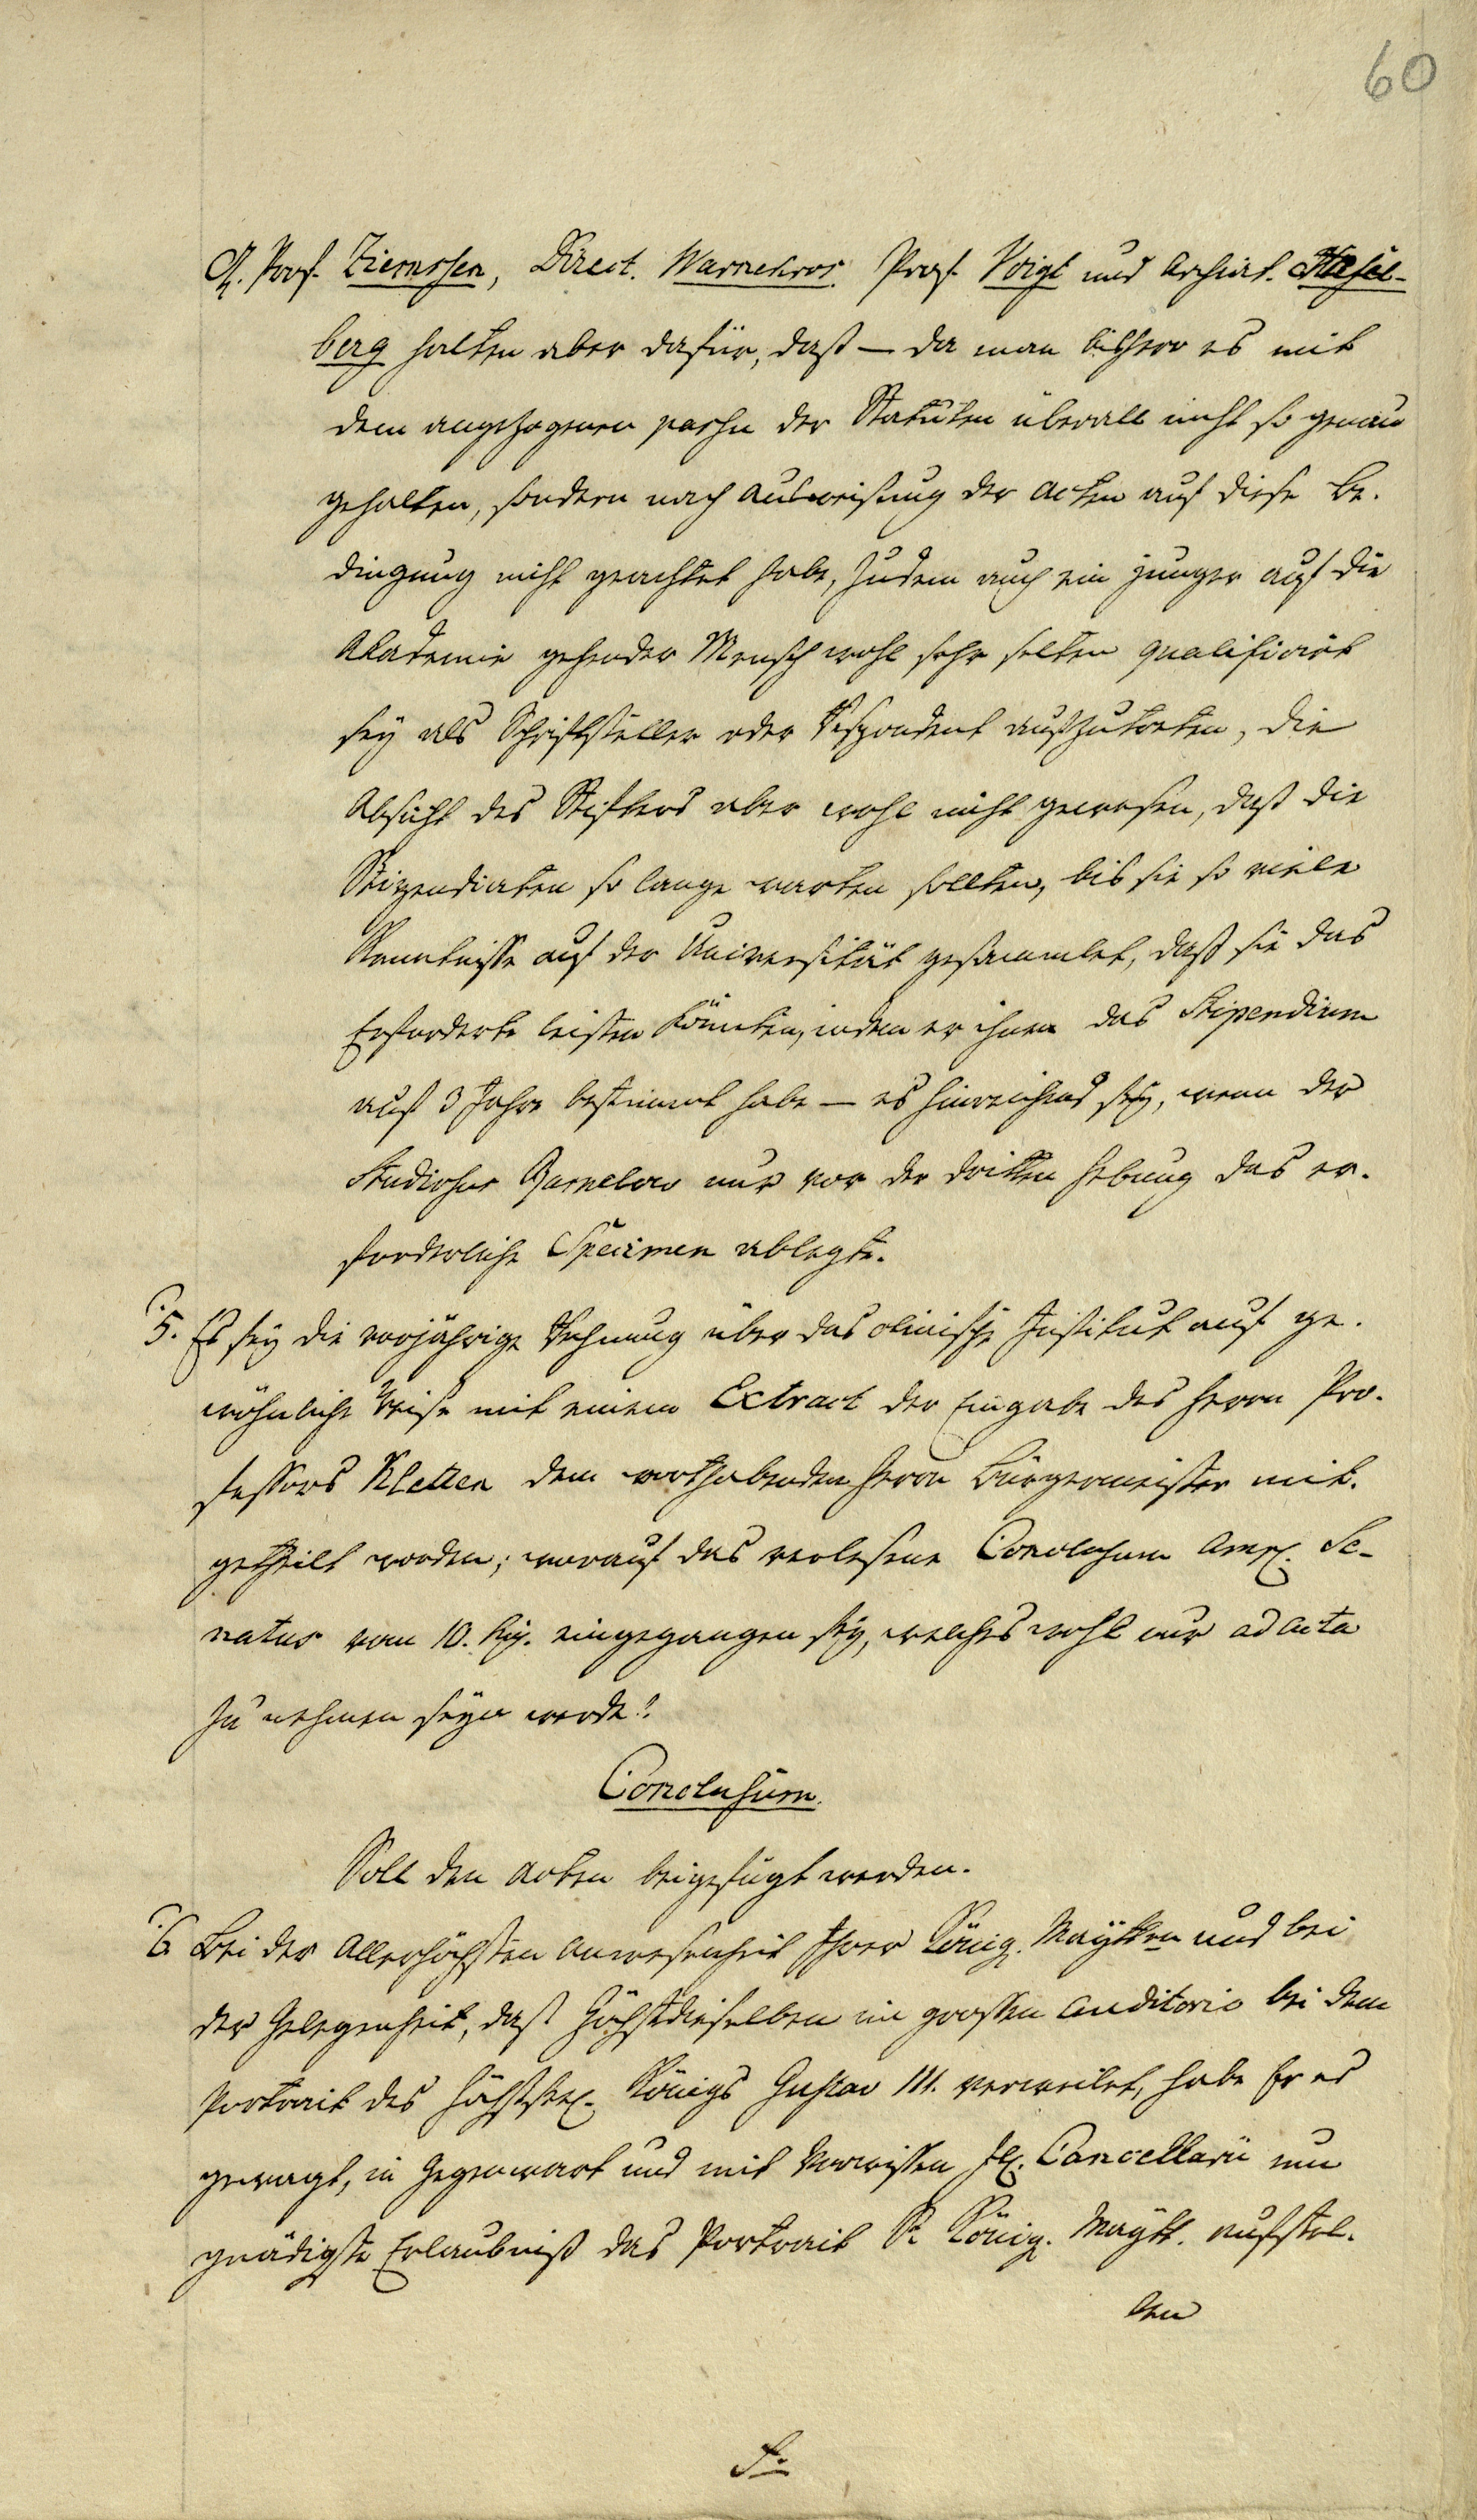dh. Prof. Ziemssen, Direct. Warnekros Prof. Voigt und Archiat. Hasel¬
berg halten aber dafür, daß da man bishero es mit
dem angezogenen passu der Statuten überall nicht so genau
gehalten, sondern nach Ausweisung der Acten auf diese Be¬
digung nicht geachtet habe, zudem auch ein junger auf die
Akademie gehender Mensch wohl sehr selten qualificirt
seÿ als Schriftsteller oder Respondent aufzutreten, die
Absicht des Stifters aber wohl nicht gewesen, daß die
Stipendiaten so lange warten sollten, bis sie so viele
Kenntnisse auf der Universität gesammlet, daß sie das
Erforderte leisten könnten, indem er ihnen das Stipendium
auf 3 Jahre bestimmt habe es hinreichend seÿ, wenn der
Studiosus Ramelow nur vor der dritten Hebung das er¬
forderliche Specimen ablegte.
5. Es seÿ die vorjährige. Rechnung über das clinische Institut auf ge¬
wöhnliche Weise mit einem Extract der Eingabe des Herrn Pro¬
fessors Kletten dem worthabenden Herrn Bürgermeister mit¬
getheilt worden; worauf das verlesene Conclusum Amp. Se¬
natus vom 10. huj. eingegangen seÿ, welches wohl nur ad Acta
zu nehmen seÿn werde?
Conclusum.
Soll den Acten beigefügt werden.
6. Bei des Allerhöchsten Anwesenheit Ihrer König. Maÿtten und bei
der Gelegenheit, daß Höchstdieselben im grossen Auditorio bei dem
Portrait des höchstseel. Königs Gustav III. verweilet, habe Er es
gewagt, in Gegenwart und mit Vorwissen Ill. Cancellarii um
gnädigste Erlaubniß das Portrait Sr. König. Maÿtt. aufstel¬
len
f.